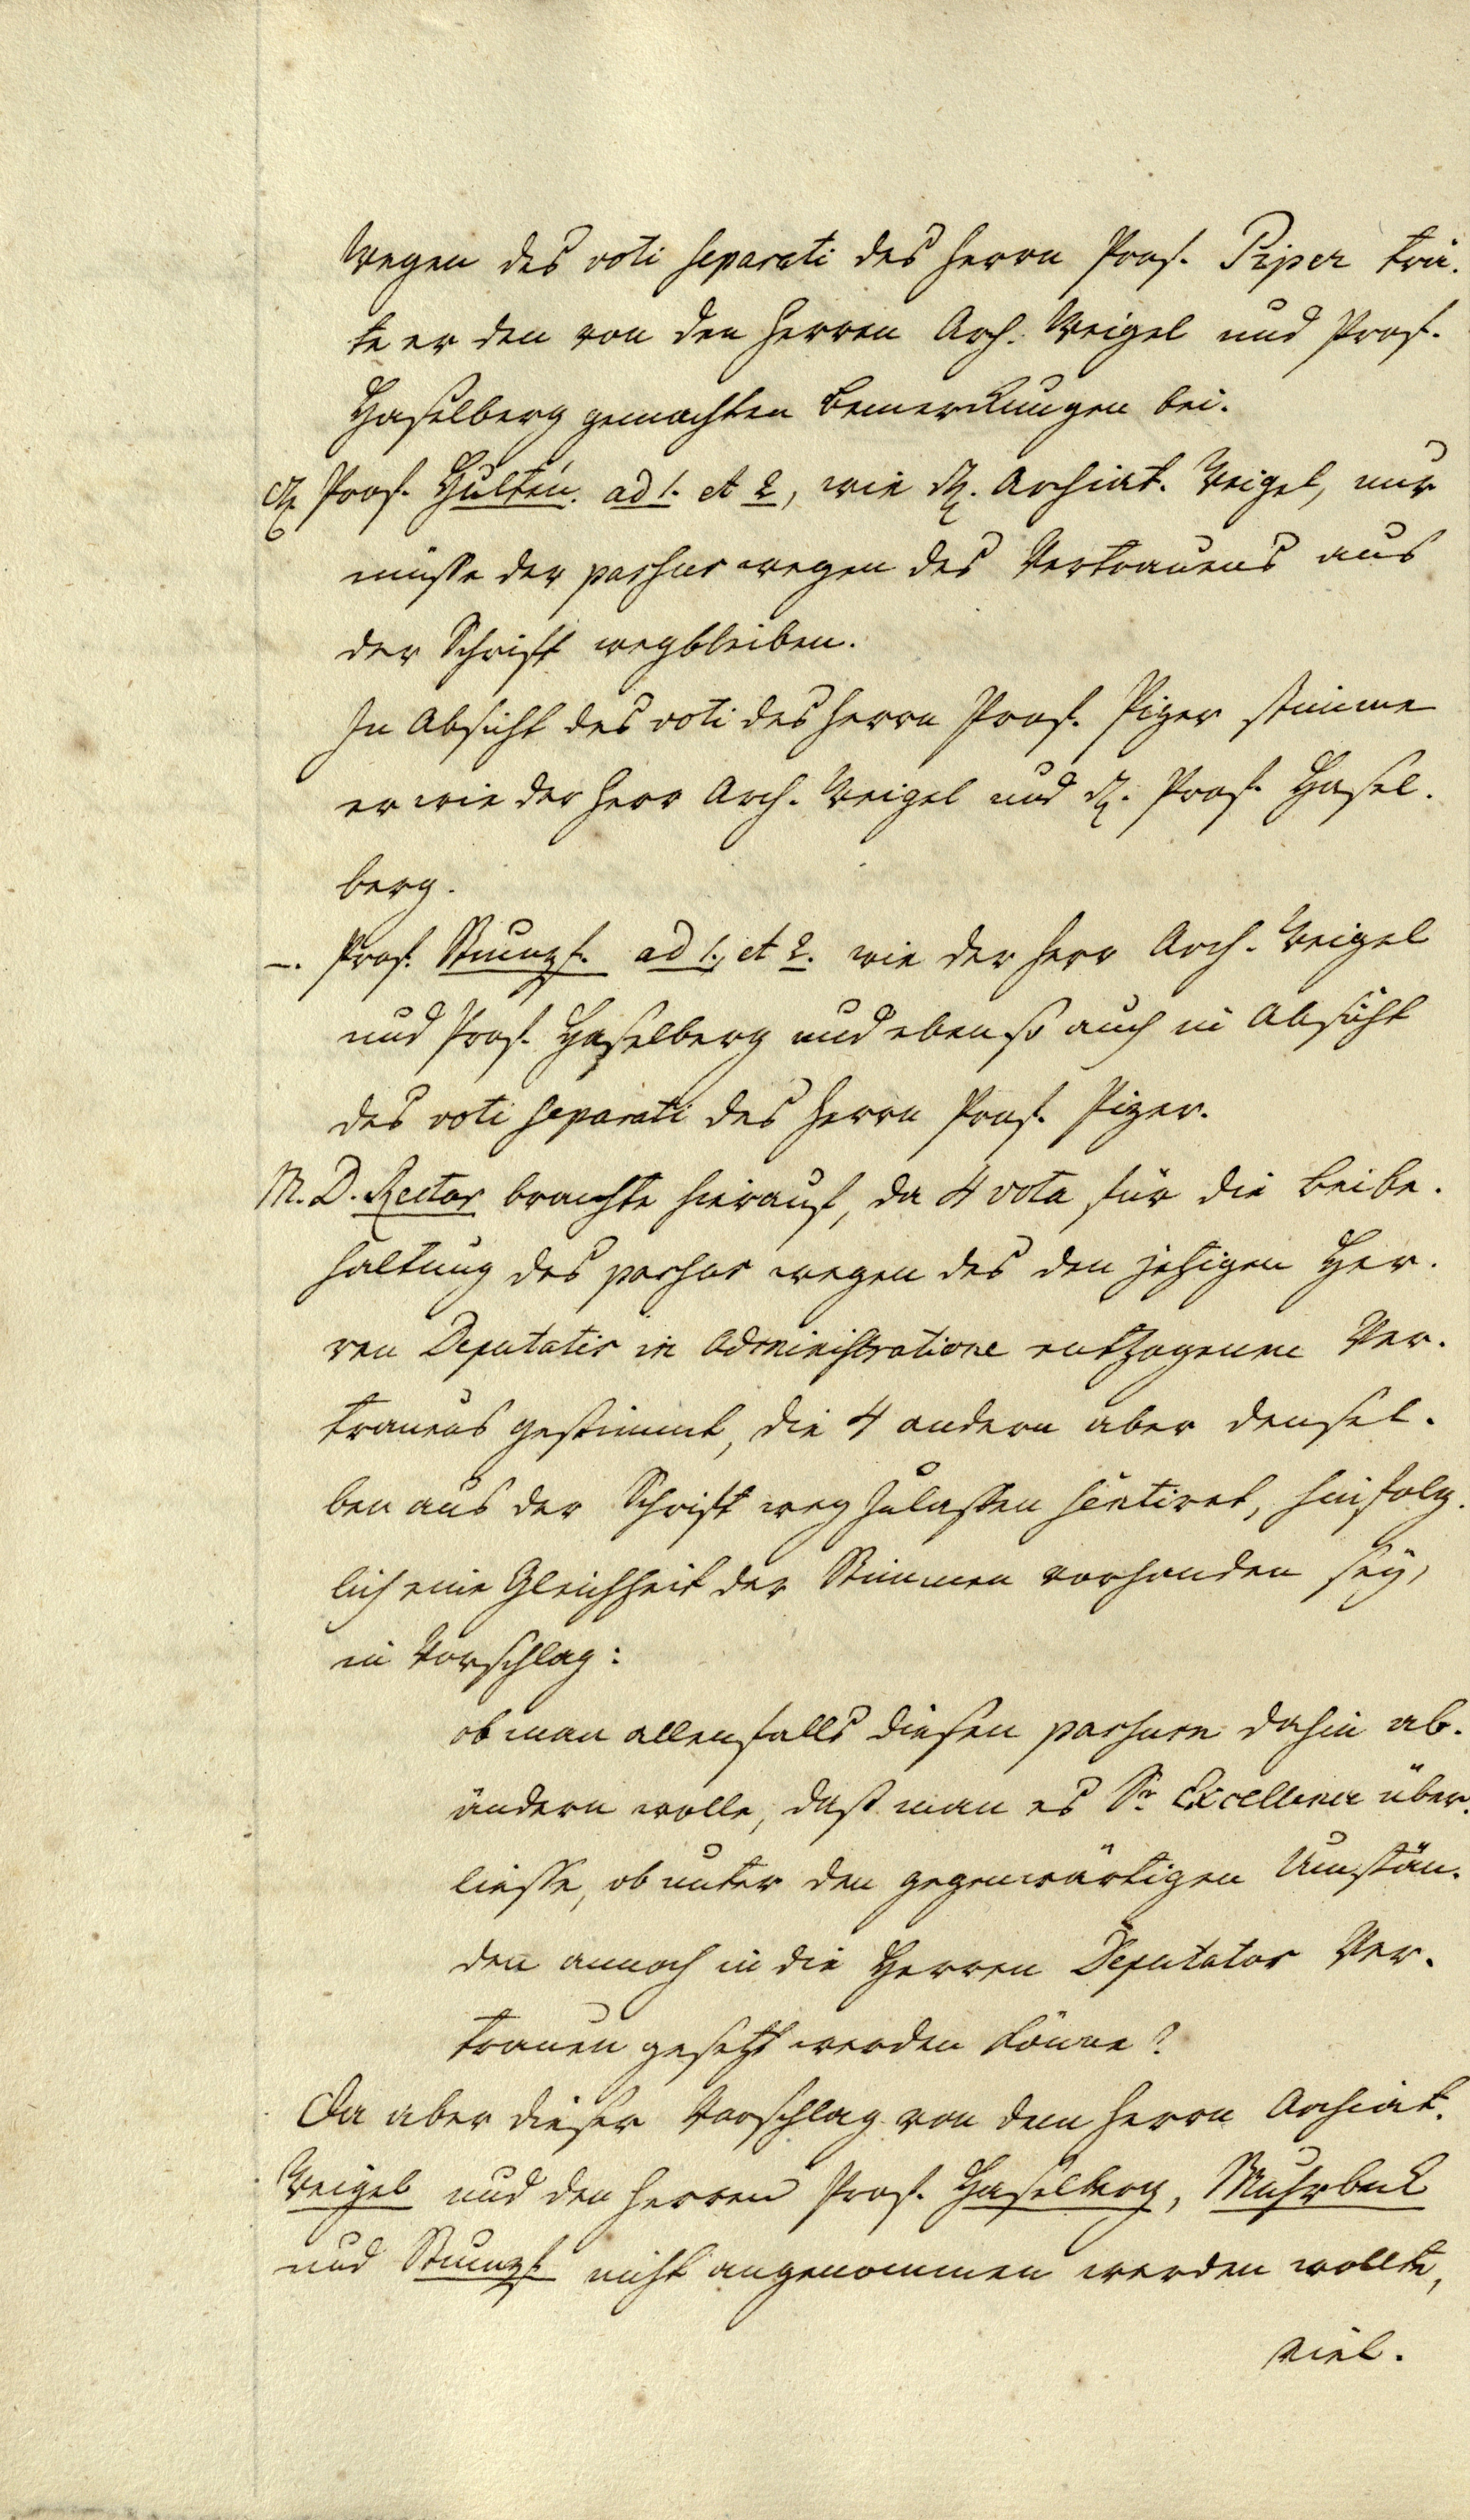Wegen des voti separati des Herrn Prof. Piper trä¬
te er den von den Herren Arch. Weigel und Prof.
Haselberg gemachten Bemerckungen bei.
dh. Prof. Hultén. ad 1. et 2, wie dh. Archiat. Weigel, nur
müsse der passus wegen des Vertrauens aus
der Schrift wegbleiben.
In Absicht des voti des Herrn Prof. Piper stimme
er wie der Herr Arch. Weigel und dh. Prof. Hasel¬
berg.
Prof. Stumpf. ad 1., et 2. wie der Herr Arch. Weigel
und Prof. Haselberg und ebenso auch in Absicht
des voti separati des Herrn Prof. Piper.
M. D. Rector brachte hierauf, da 4 vota für die Beibe¬
haltung des passus wegen des den jetzigen Her¬
ren Deputatis in Administratione entzogenen Ver¬
trauens gestimmt, die 4 andern aber densel¬
ben aus der Schrift wegzulassen sentiret, hinfolg¬
lich eine Gleichheit der Stimmen vorhanden seÿ,
in Vorschlag:
ob man allenfalls diesen passum dahin ab¬
ändern wolle, daß man es Sr Excellence über¬
liesse, ob unter den gegenwärtigen Umstän¬
den annoch in die Herren Deputatos Ver¬
trauen gesetzt werden könne?
Da aber dieser Vorschlag von dem Herrn Archiat.
Weigel und den Herren Prof. Haselberg, Muhrbeck.
und Stumpf nicht angenommen werden wollte,
viel